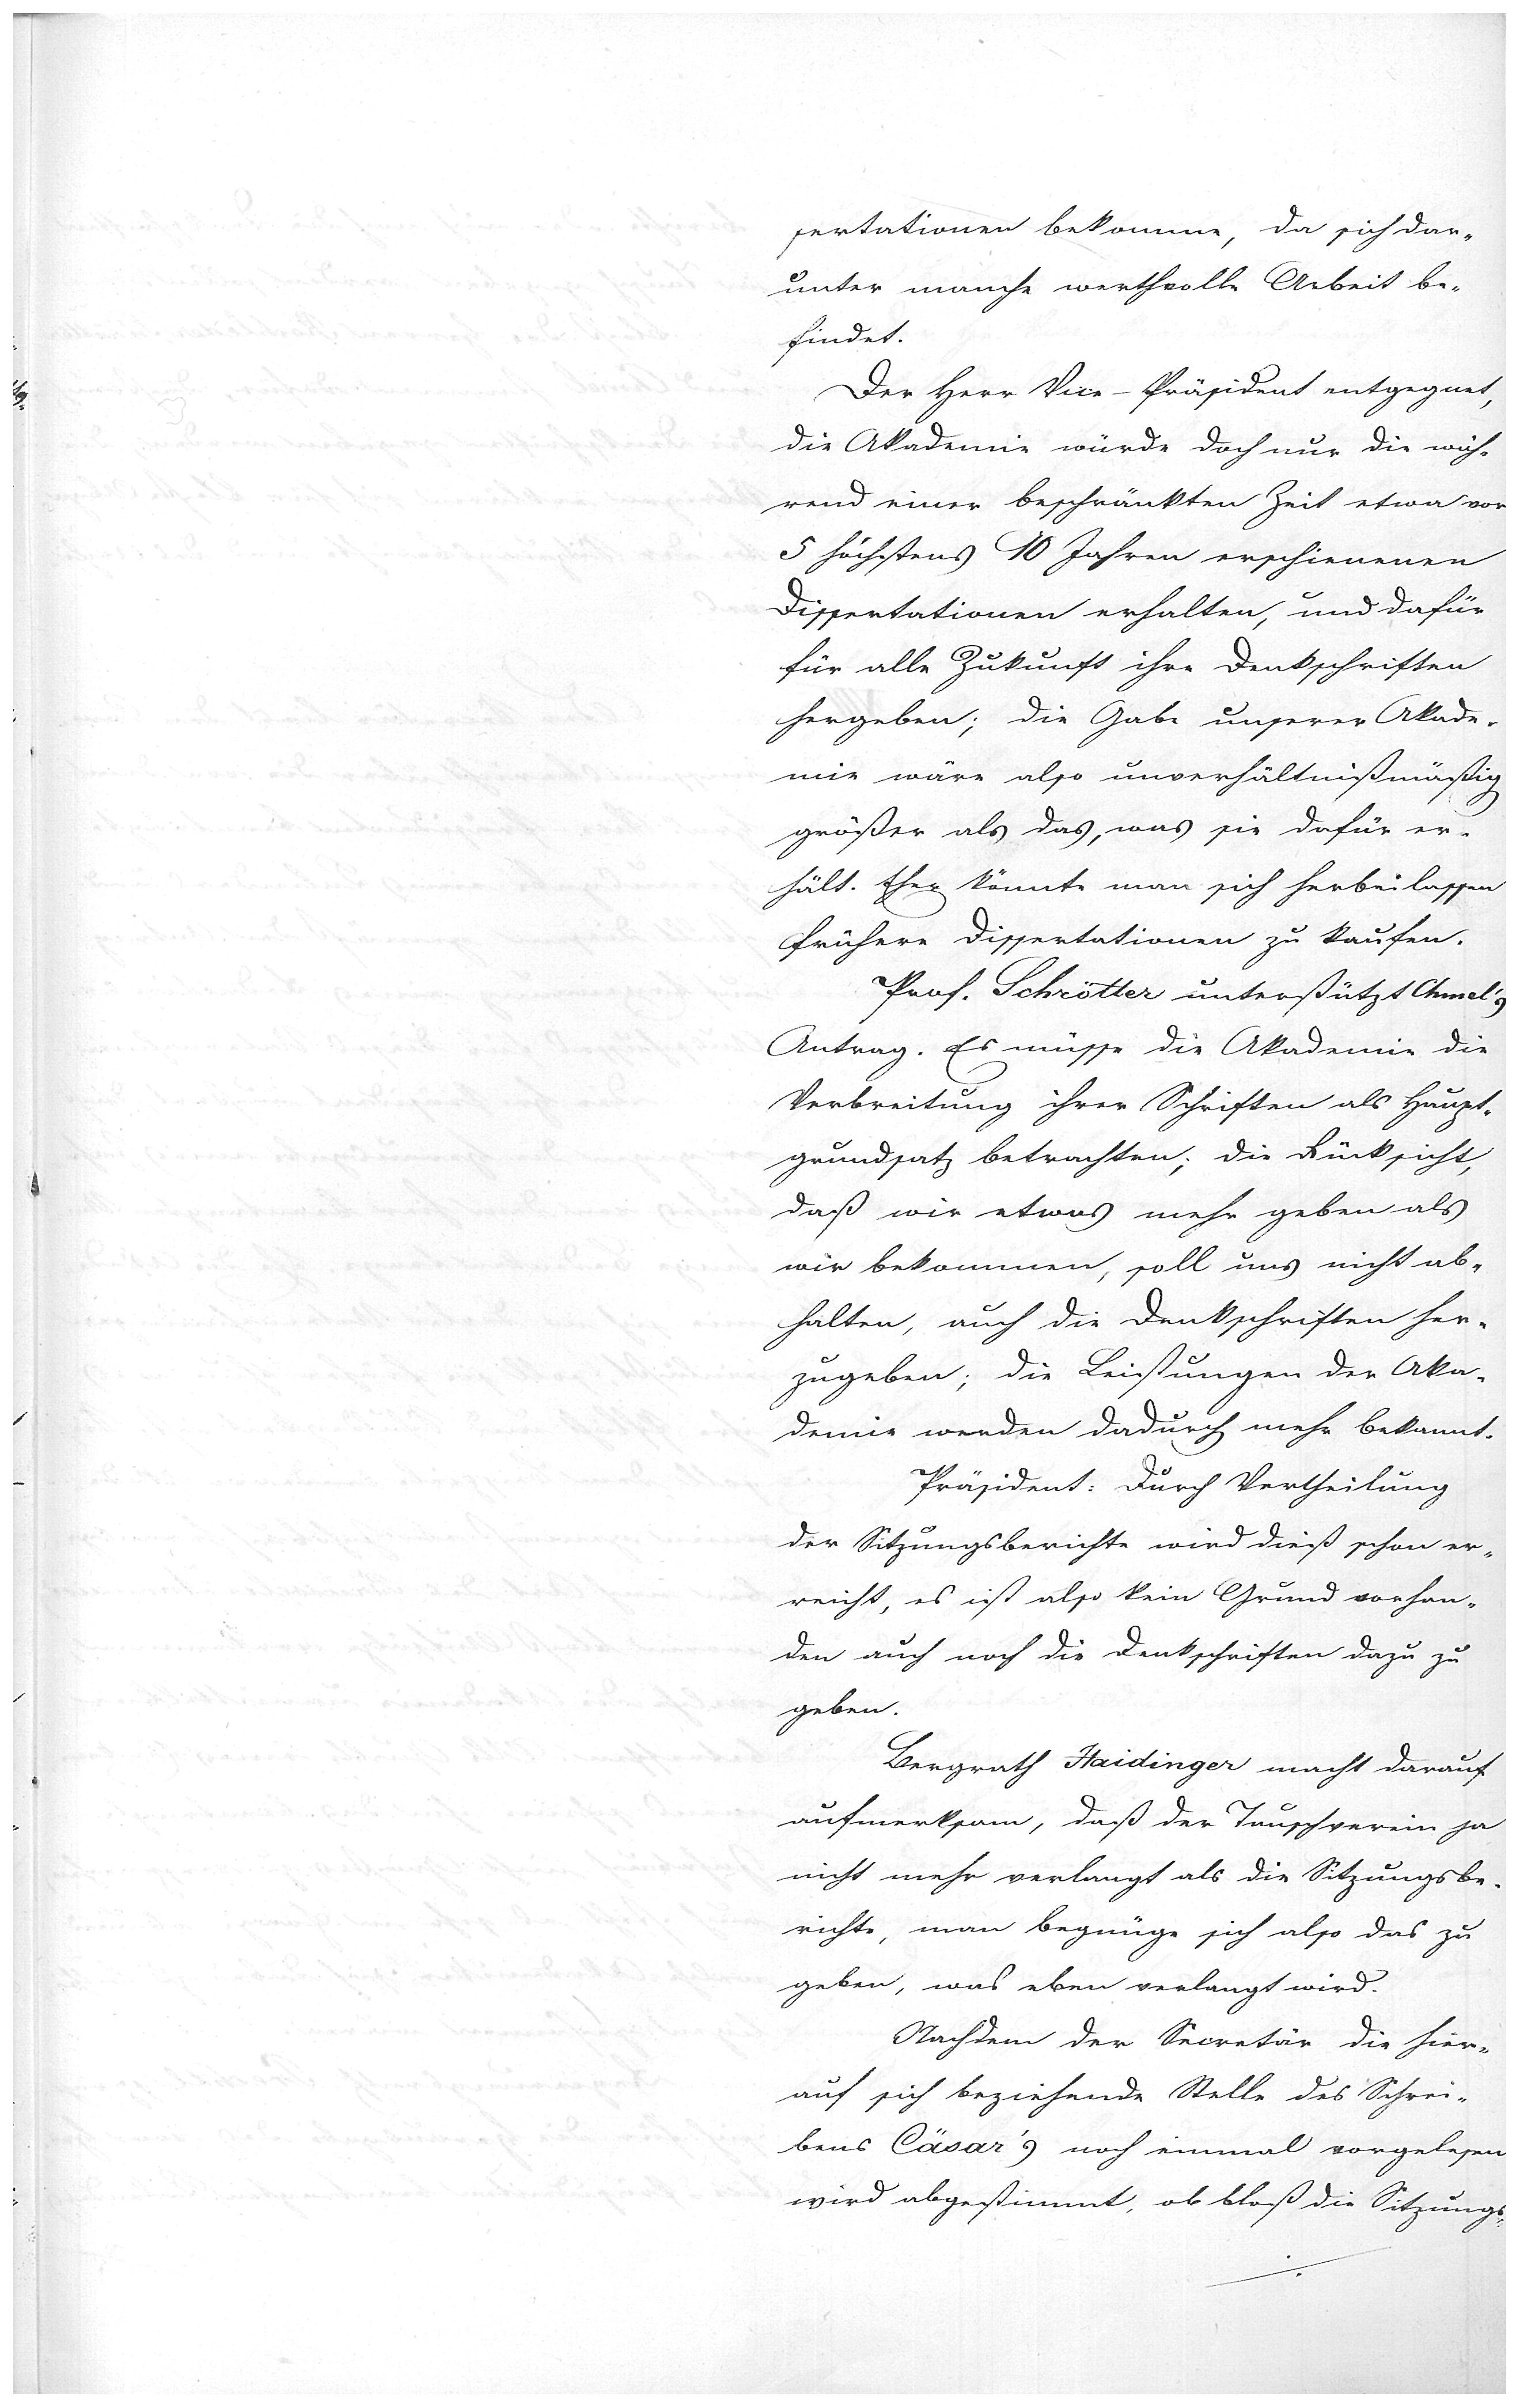sertationen bekomme, da sich dar-
unter manche werthvolle Arbeit be-
findet.
Der Herr Vice-Präsident entgegnet,
die Akademie würde doch nur die wäh-
rend einer beschränkten Zeit etwa vor
5 höchstens 10 Jahren erschienenen
Dissertationen erhalten, und dafür
für alle Zukunft ihre Denkschriften
hergeben; die Gabe unserer Akade-
mie wäre also unverhältnißmäßig
größer als das, was sie dafür er-
hält. Eher könnte man sich herbeilassen
frühere Dissertationen zu kaufen.
Prof. Schrötter unterstützt Chmel's
Antrag. Es müsse die Akademie die
Verbreitung ihrer Schriften als Haupt-
grundsatz betrachten, die Rücksicht,
daß wir etwas mehr geben als
wir bekommen, soll uns nicht ab-
halten, auch die Denkschriften her-
zugeben, die Leistungen der Aka-
demie werden dadurch mehr bekannt.
Präsident: Durch Vertheilung
der Sitzungsberichte wird dieß schon er-
reicht, es ist also kein Grund vorhan-
den auch noch die Druckschriften dazu zu
geben.
Bergrath Haidinger macht darauf
aufmerksam, daß der Tauschverein ja
nicht mehr verlangt als die Sitzungsbe-
richte, man begnüge sich also das zu
geben, was eben verlangt wird.
Nachdem der Secretär die hier-
auf sich beziehende Stelle des Schrei-
bens Cäsar's noch einmal vorgelesen
wird abgestimmt, ob bloß die Sitzungs-